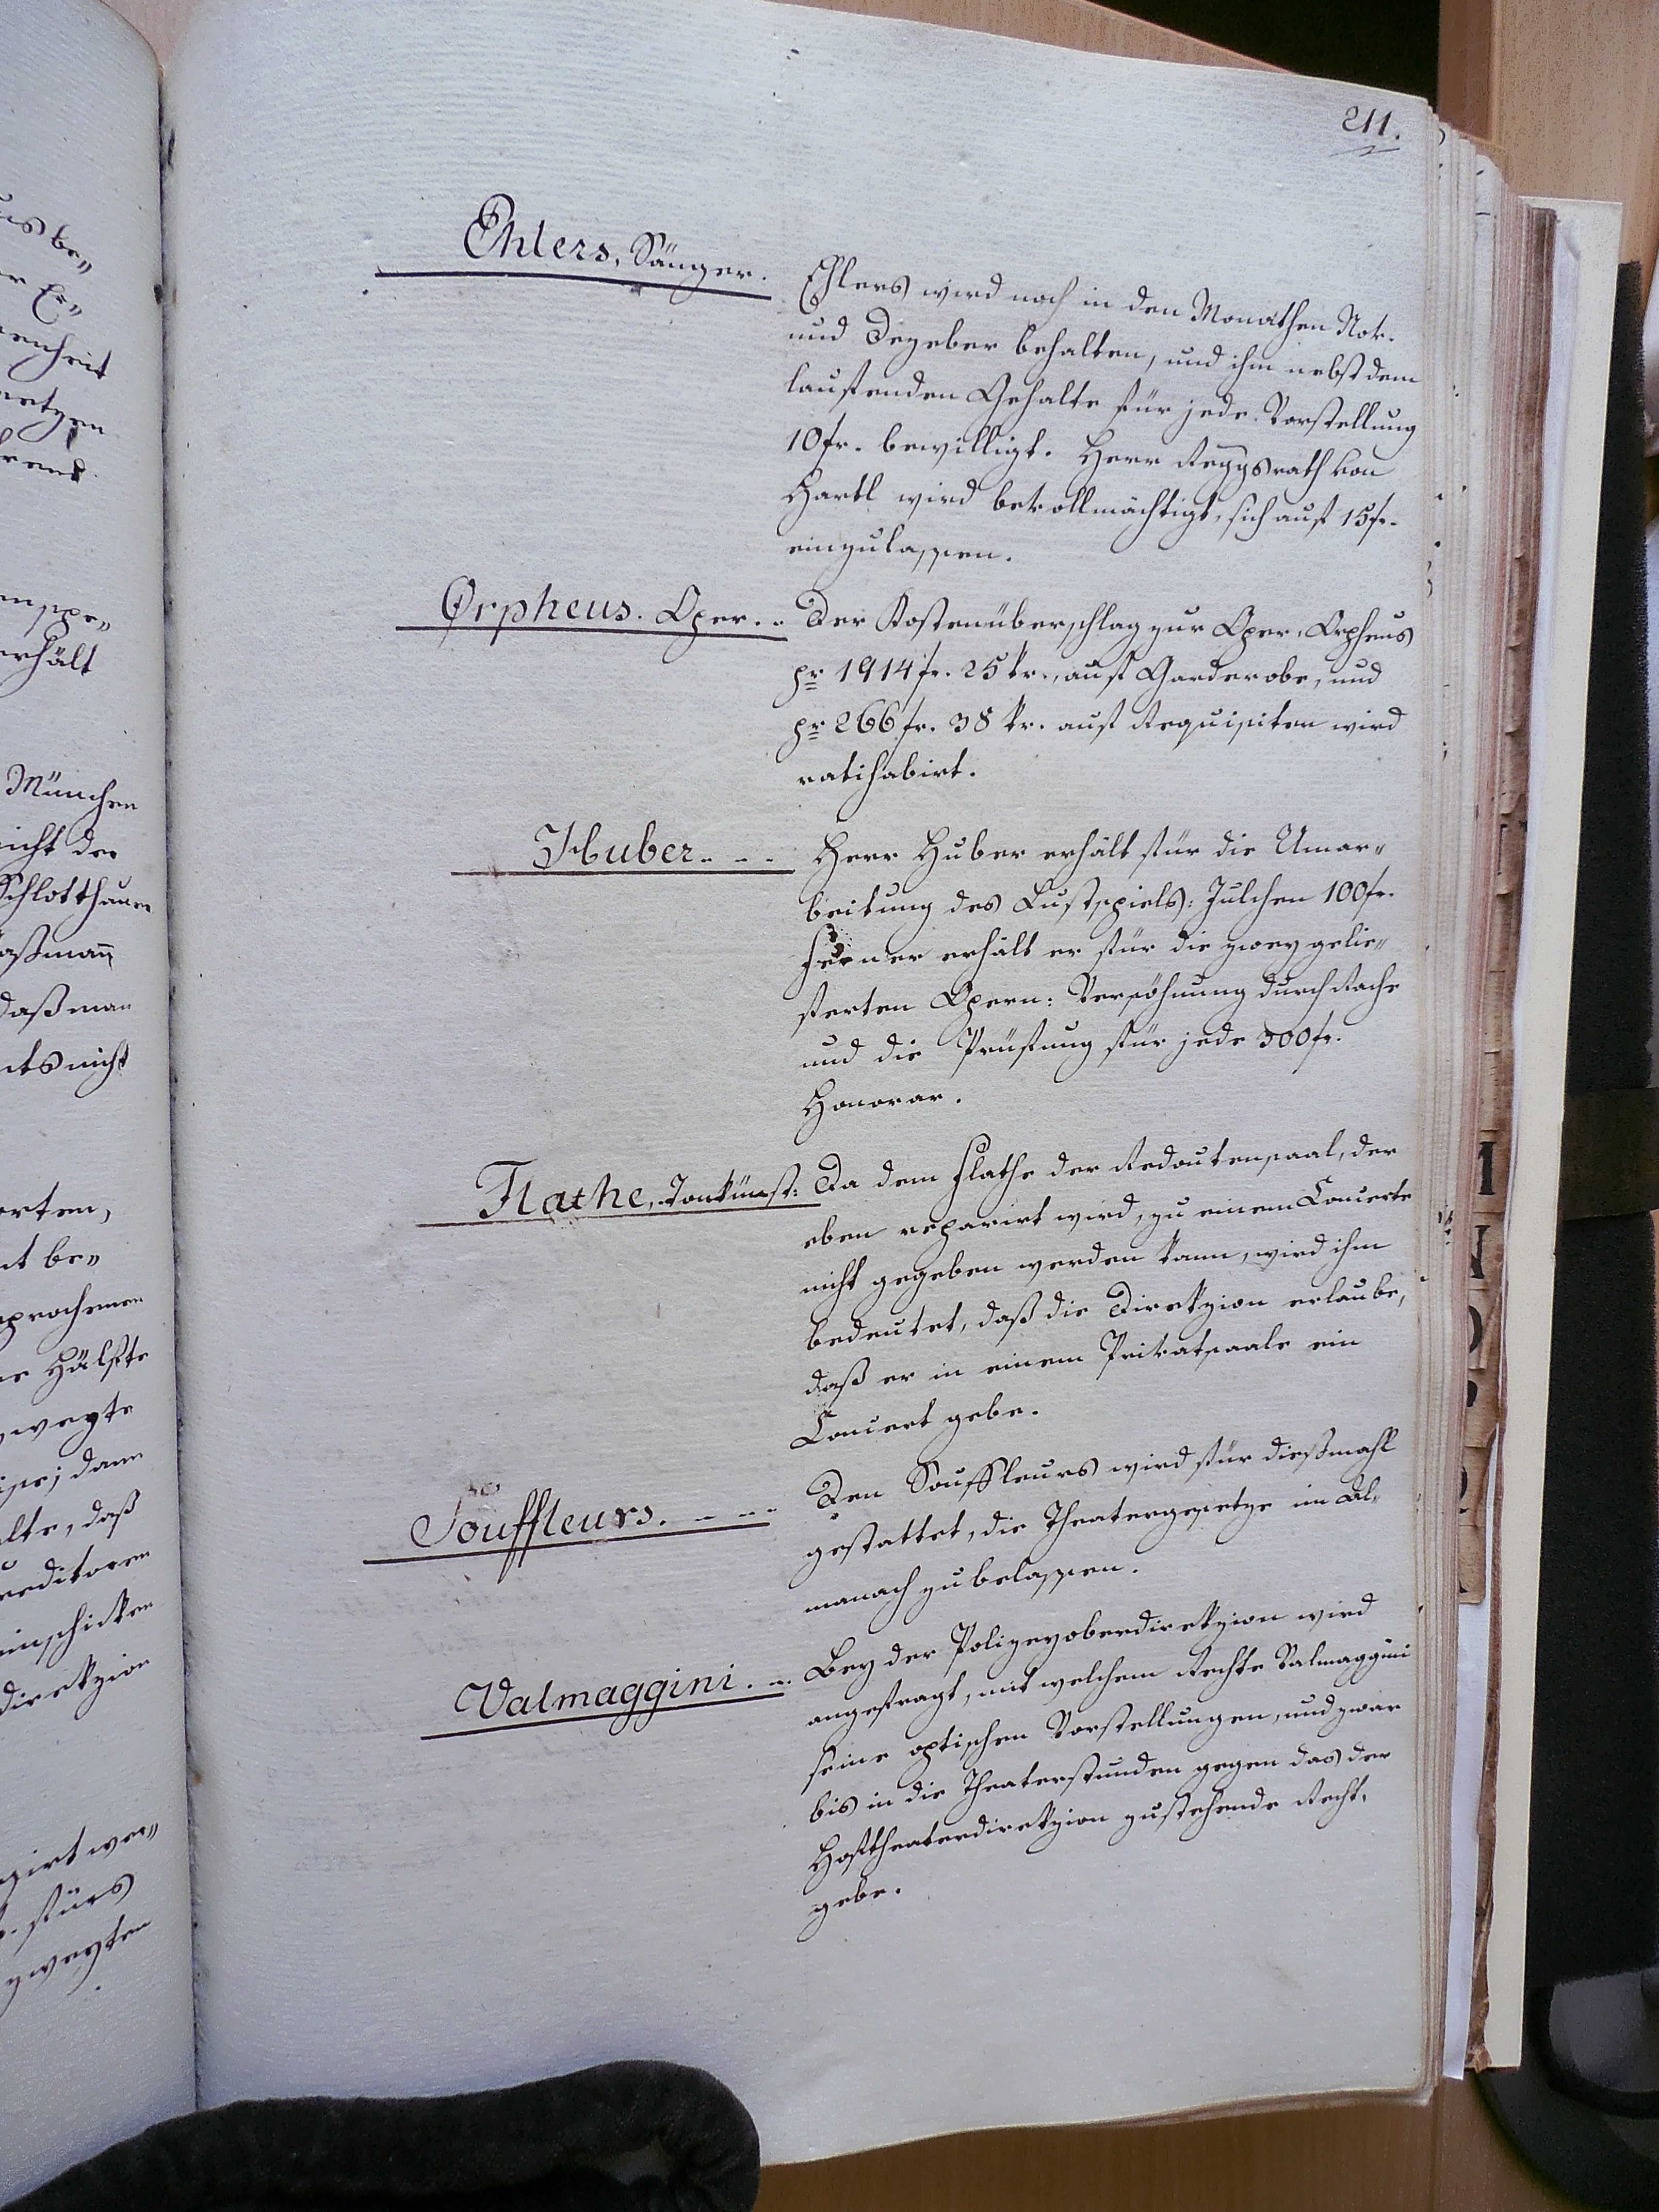211.
Ehlers, Sänger. Ehlers wird noch in den Monathen Nov.
und Dezeber behalten, und ihm nebst dem
laufenden Gehalte für jede Vorstellung
10fr. bewilligt. Herr Reg͞gsrath von
Hartl wird bevollmächtigt, sich auf 15fr.
einzulassen.
Orpheus. Oper. .. Der Kostenüberschlag zur Oper Orpheus
pr͇ 1914fr. 25kr., auf Garderobe, und
pr͇ 266fr. 38kr. auf Requisiten wird
ratihabirt.
Huber .. .. . Herr Huber erhält für die Umar¬
beitung des Lustspiels Julchen 100fr.
Ferner erhält er für die zwey gelie¬
ferten Opern: Versöhnung durch Rache
und die Prüfung für jede 300fr.
Honorar.
Flathe, Tonkünst: Da dem Flathe der Redoutensaal, der
eben reparirt wird, zu einem Concerte
nicht gegeben werden kann, wird ihm
bedeutet, daß die Direkzion erlaube,
daß er in einem Pivatsaale ein
Concert gebe.
Souffleurs. .. .. . Den Souffleurs wird für dießmahl
gestattet, die Theatergesetze im Al¬
manach zubelassen.
Valmaggini . ... Bey der Polizeyoberdirekzion wird
angefragt, mit welchem Rechte Valmaggini
seine optischen Vorstellungen, und zwar
bis in die Theaterstunden gegen das der
Hoftheaterdirekzion zustehende Recht,
gebe.